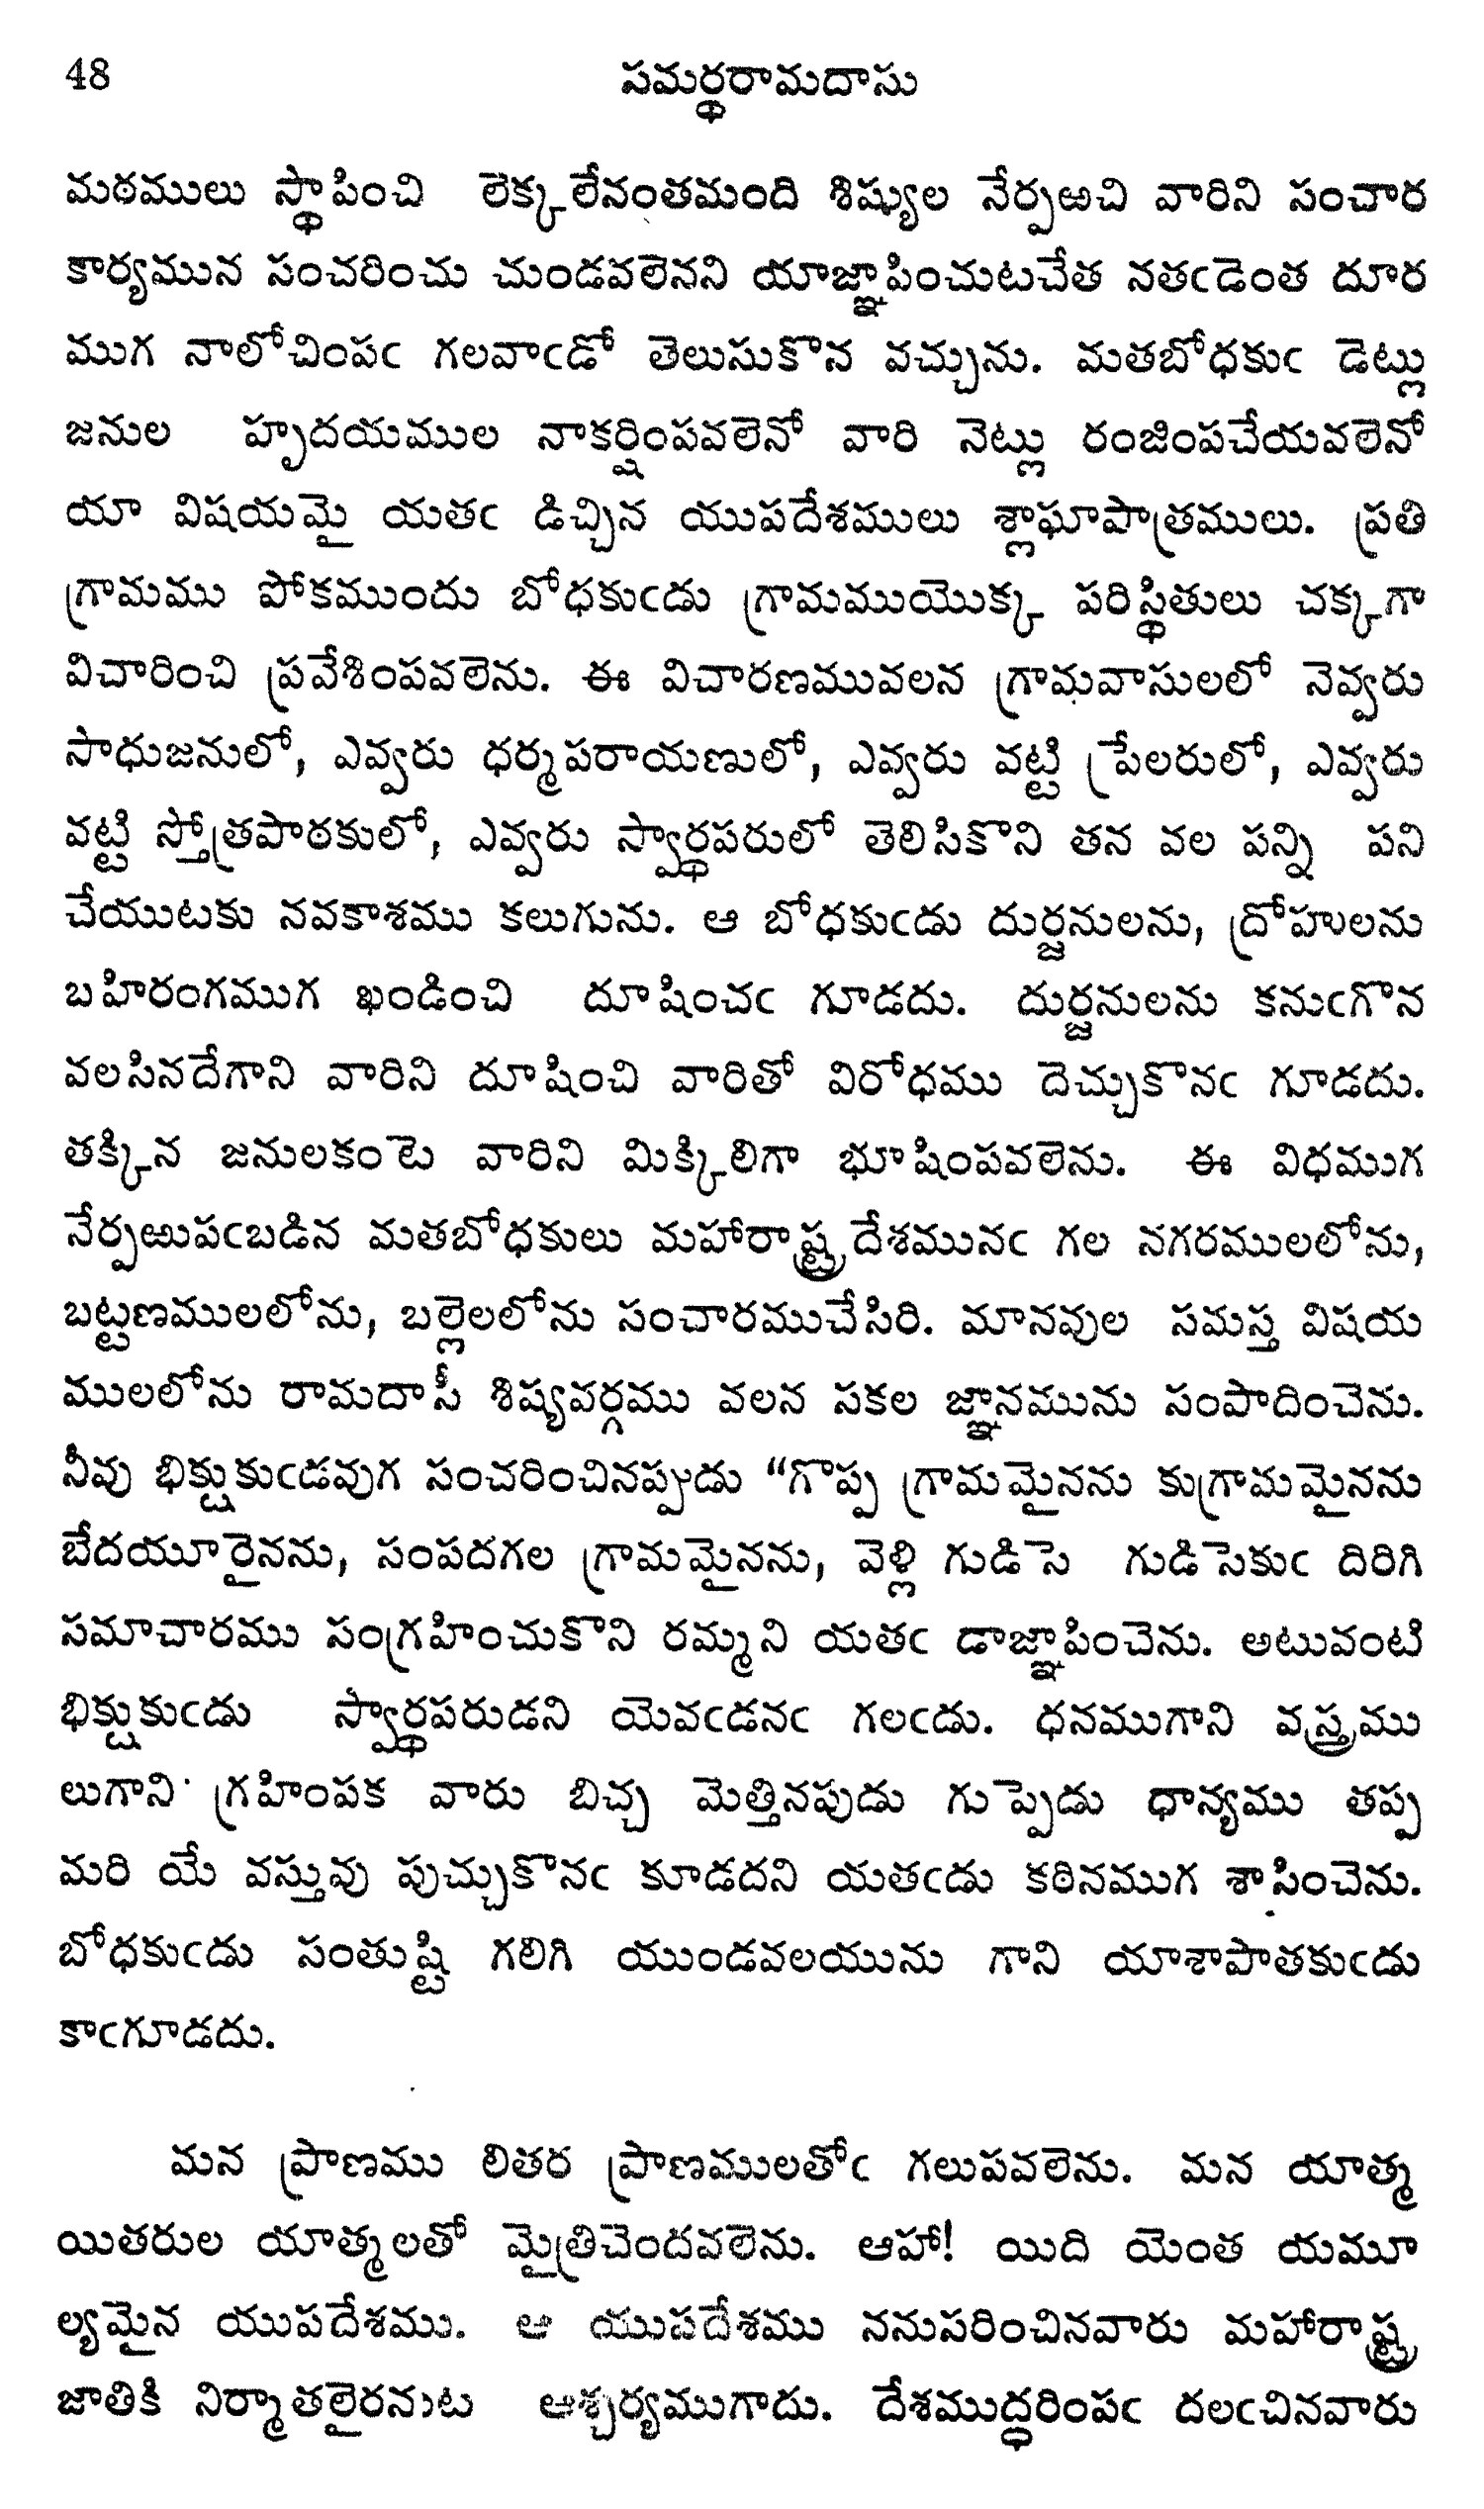మఠములు స్థాపించి లెక్కలేనంతమంది శిష్యుల నేర్పఱచి వారిని సంచార కార్యమున సంచరించు చుండవలెనని యాజ్ఞాపించుటచేత నతడెంత దూరముగ నాలోచింప గలవాడో తెలుసుకొన వచ్చును. మతబోధకు డెట్లు జనుల హృదయముల నాకర్షింపవలెనో వారి నెట్లు రంజింపచేయవలెనో యా విషయమై యత డిచ్చిన యుపదేశములు శ్లాఘాపాత్రములు. ప్రతి గ్రామము పోకముందు బోధకుడు గ్రామముయొక్క పరిస్థితులు చక్కగా విచారించి ప్రవేశింపవలెను. ఈ విచారణమువలన గ్రామవాసులలో నెవ్వరు సాధుజనులో, ఎవ్వరు ధర్మపరాయణులో, ఎవ్వరు వట్టి ప్రేలరులో, ఎవ్వరు వట్టి స్తోత్రపాఠకులో, ఎవ్వరు స్వార్థపరులో తెలిసికొని తన వల పన్ని పనిచేయుటకు నవకాశము కలుగును. ఆ బోధకుడు దుర్జనులను, ద్రోహులను బహిరంగముగ ఖండించి దూషించ గూడదు. దుర్జనులను కనుగొన వలసినదేగాని వారిని దూషించి వారితో విరోధము దెచ్చుకొన గూడదు. తక్కిన జనులకంటె వారిని మిక్కిలిగా భూషింపవలెను. ఈ విధముగ నేర్పఱుప బడిన మతబోధకులు మహారాష్ట్ర దేశమున గల నగరములలోను, బట్టణములలోను, బల్లెలలోను సంచారముచేసిరి. మానవుల సమస్త విషయములలోను రామదాసీ శిష్యవర్గము వలన సకల జ్ఞానమును సంపాదించెను. నీవు భిక్షుకుడవుగ సంచరించినప్పుడు "గొప్ప గ్రామమైనను కుగ్రామమైనను బేదయూరైనను, సంపదగల గ్రామమైనను, వెళ్లి గుడిసె గుడిసెకు దిరిగి సమాచారము సంగ్రహించుకొని రమ్మని యత డాజ్ఞాపించెను. అటువంటి భిక్షకుడు స్వార్థపరుడని యెవడన గలడు. ధనముగాని వస్త్రములుగాని గ్రహింపక వారు బిచ్చ మెత్తినపుడు గుప్పెడు ధాన్యము తప్ప మరి యే వస్తువు పుచ్చుకొన కూడదని యతడు కఠినముగ శాసించెను. బోధకుడు సంతుష్టి గలిగి యుండవలయును గాని యాశాపాతకుడు కాగూడదు.

మనప్రాణము లితర ప్రాణములతో గలుపవలెను. మన యాత్మ యితరుల యాత్మలతో మైత్రిచెందవలెను. ఆహా! యిది యెంత యమూల్యమైన యుపదేశము. ఆ యుపదేశము ననుసరించినవారు మహారాష్ట్ర జాతికి నిర్మాతలైరనుట ఆశ్చర్యముగాదు. దేశముద్ధరింప దలచినవారు